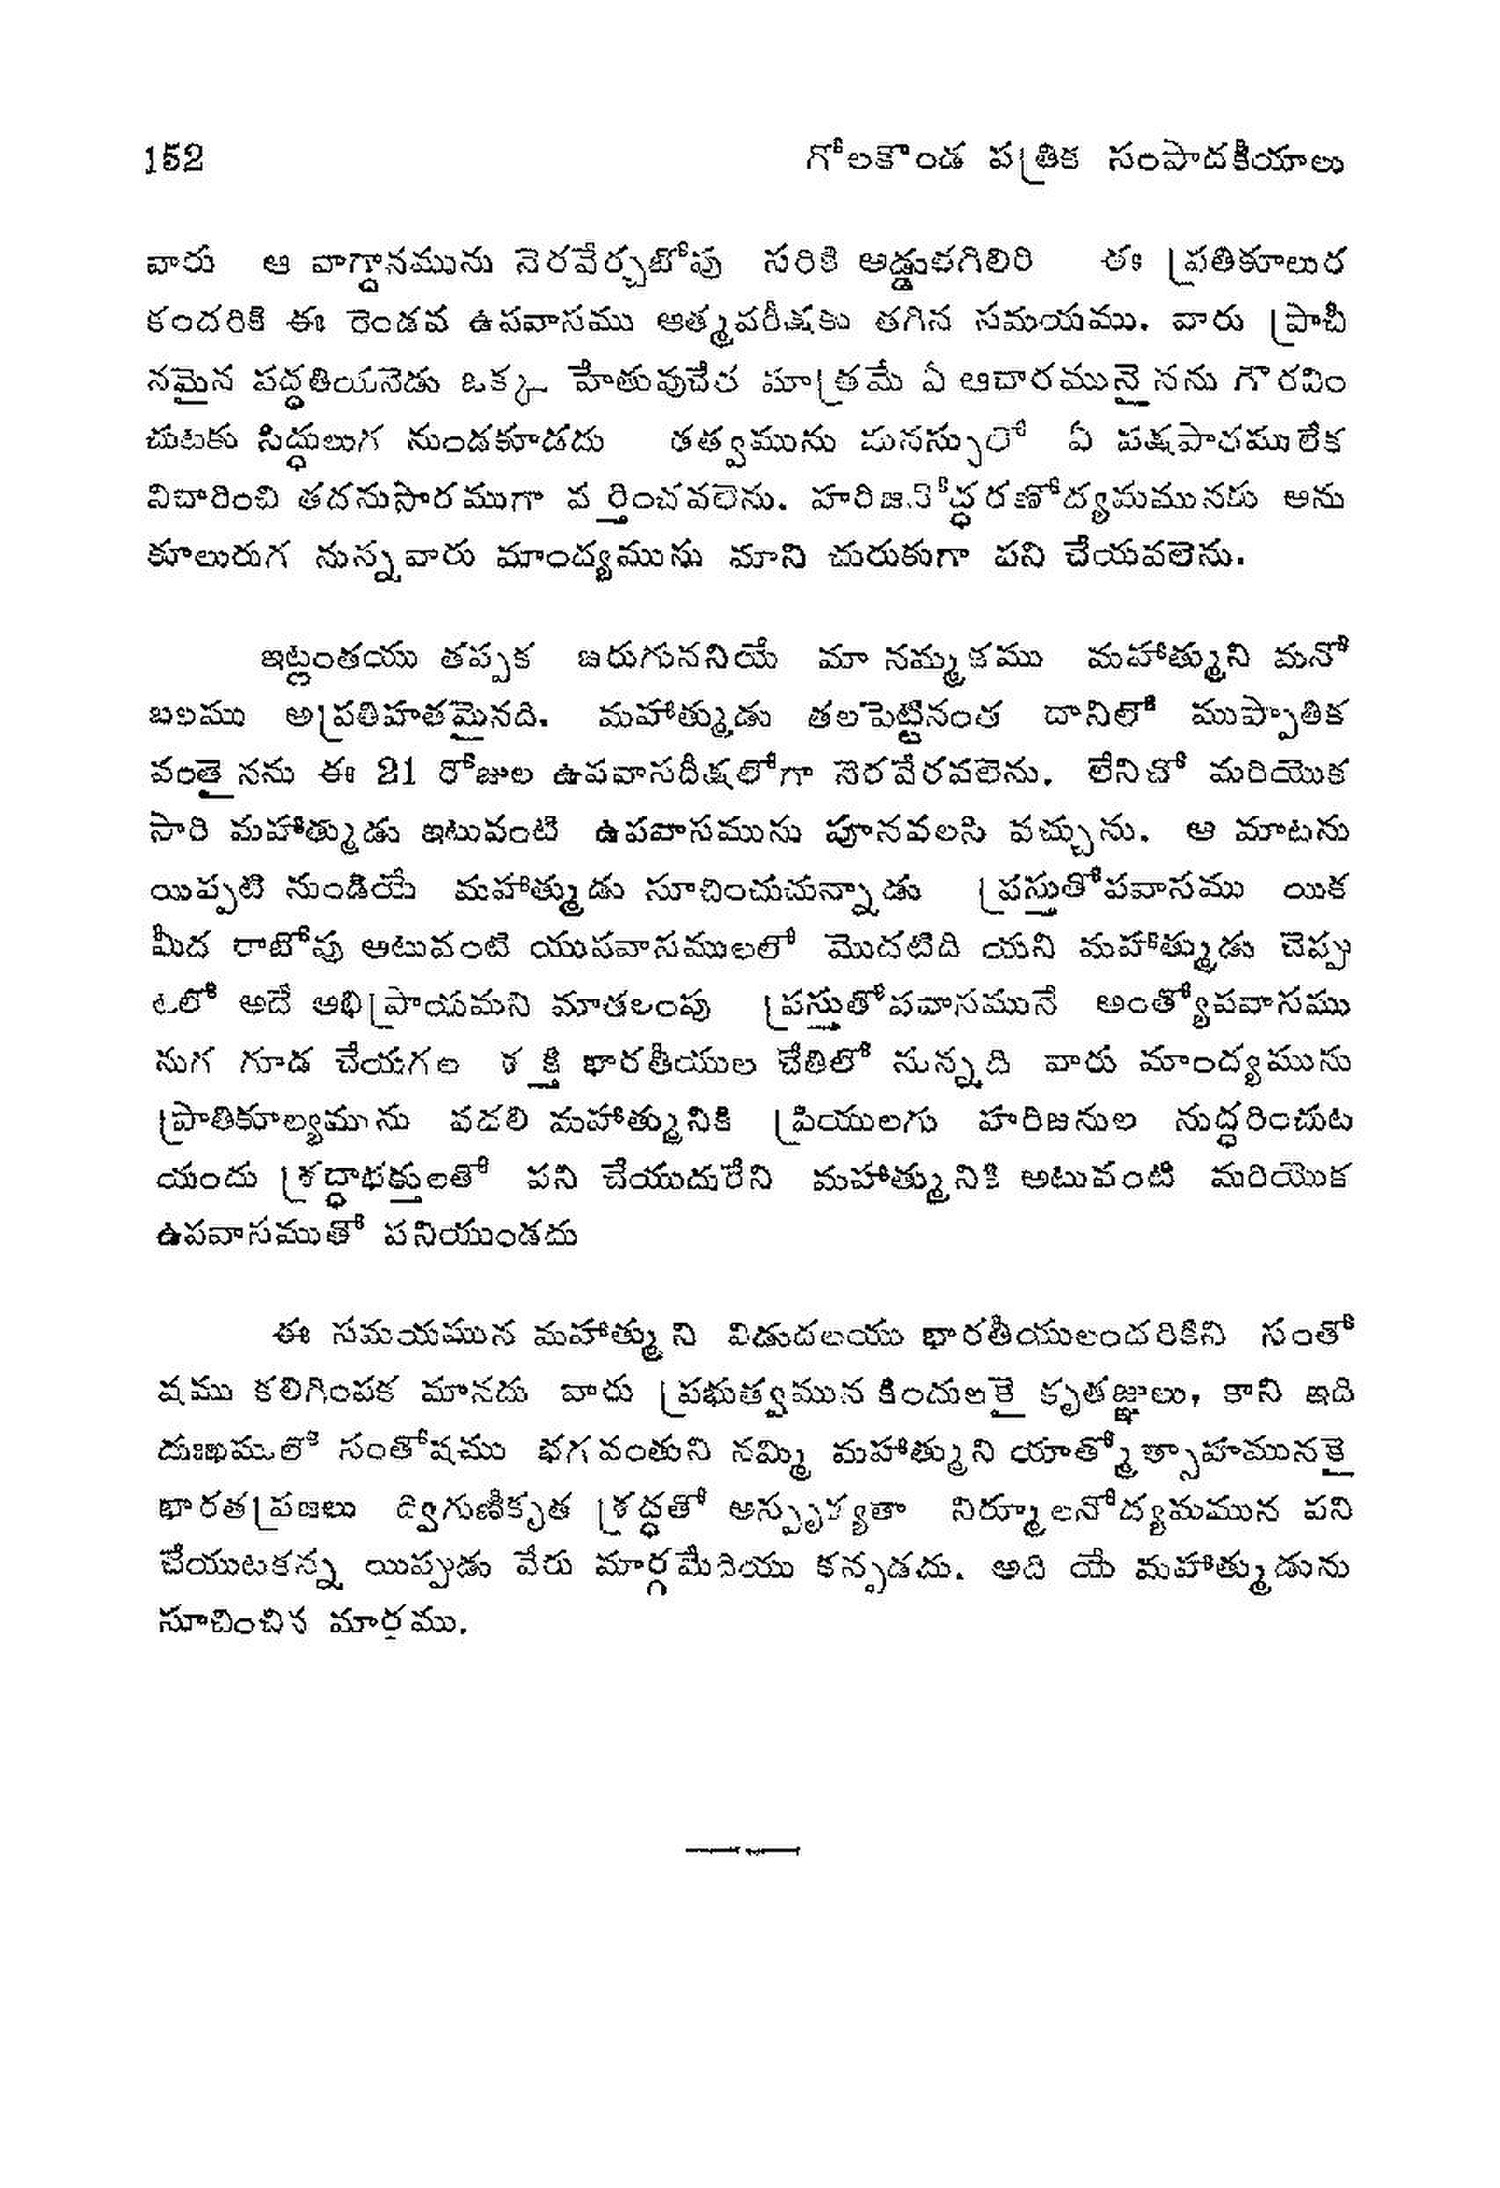వారు ఆ వాగ్దానమును నెరవేర్చబోవు సరికి అడ్డుతగిలిరి ఈ ప్రతికూలుర కందరికి ఈ రెండవ ఉపవాసము ఆత్మపరీక్షకు తగిన సమయము. వారు ప్రాచీనమైన పద్ధతియనెడు ఒక్క హేతువుచేత మాత్రమే ఏ ఆచారమునైనను గౌరవించుటకు సిద్దులుగ నుండకూడదు తత్వమును మనస్సులో ఏ పక్షపాతములేక విచారించి తదనుసారముగా వర్తించవలెను. హరిజనోద్ధరణోద్యమమునకు అనుకూలురుగ నున్నవారు మాంద్యమును మాని చురుకుగా పని చేయవలెను.

ఇట్లంతయు తప్పక జరుగుననియే మా నమ్మకము మహాత్ముని మనోబలము అప్రతిహతమైనది. మహాత్ముడు తలపెట్టినంత దానిలో ముప్పాతికవంతైనను ఈ 21 రోజుల ఉపవాసదీక్షలోగా నేరవేరవలెను. లేనిచో మరియొక
సారి మహాత్ముడు ఇటువంటి ఉపవాసమును పూనవలసి వచ్చును. ఆ మాటను యిప్పటి నుండియే మహాత్ముడు సూచించుచున్నాడు ప్రస్తుతోపవాసము యిక మీద రాబోవు అటువంటి యుపవాసములలో మొదటిది యని మహాత్ముడు చెప్పుటలో అదే అభిప్రాయమని మాతలంపు ప్రస్తుతోపవాసమునే అంత్యోపవాసమునుగ గూడ చేయగల శక్తి భారతీయుల చేతిలో నున్నది వారు మాంద్యమును ప్రాతికూల్యమును వదలి మహాత్మునికి ప్రియులగు హరిజనుల నుద్ధరించుట యందు శ్రద్ధాభక్తులతో పని చేయుదురేని మహాత్మునికి అటువంటి మరియొక
ఉపవాసముతో పనియుండదు

ఈ సమయమున మహాత్ముని విడుదలయు భారతీయులందరికిని సంతోషము కలిగింపక మానదు వారు ప్రభుత్వమున కిందులకై కృతజ్ఞులు, కానీ ఇది దుఃఖములో సంతోషము భగవంతుని నమ్మి మహాత్ముని యాత్మోత్సాహమునకై భారత ప్రజలు ద్విగుణీకృత శ్రద్ధతో అస్పృశ్యతా నిర్మూలనోద్యమమున పనిచేయుటకన్న యిప్పుడు వేరు మార్గమేదియు కన్నడదు. అది యే మహాత్ముడును సూచించిన మార్గము.